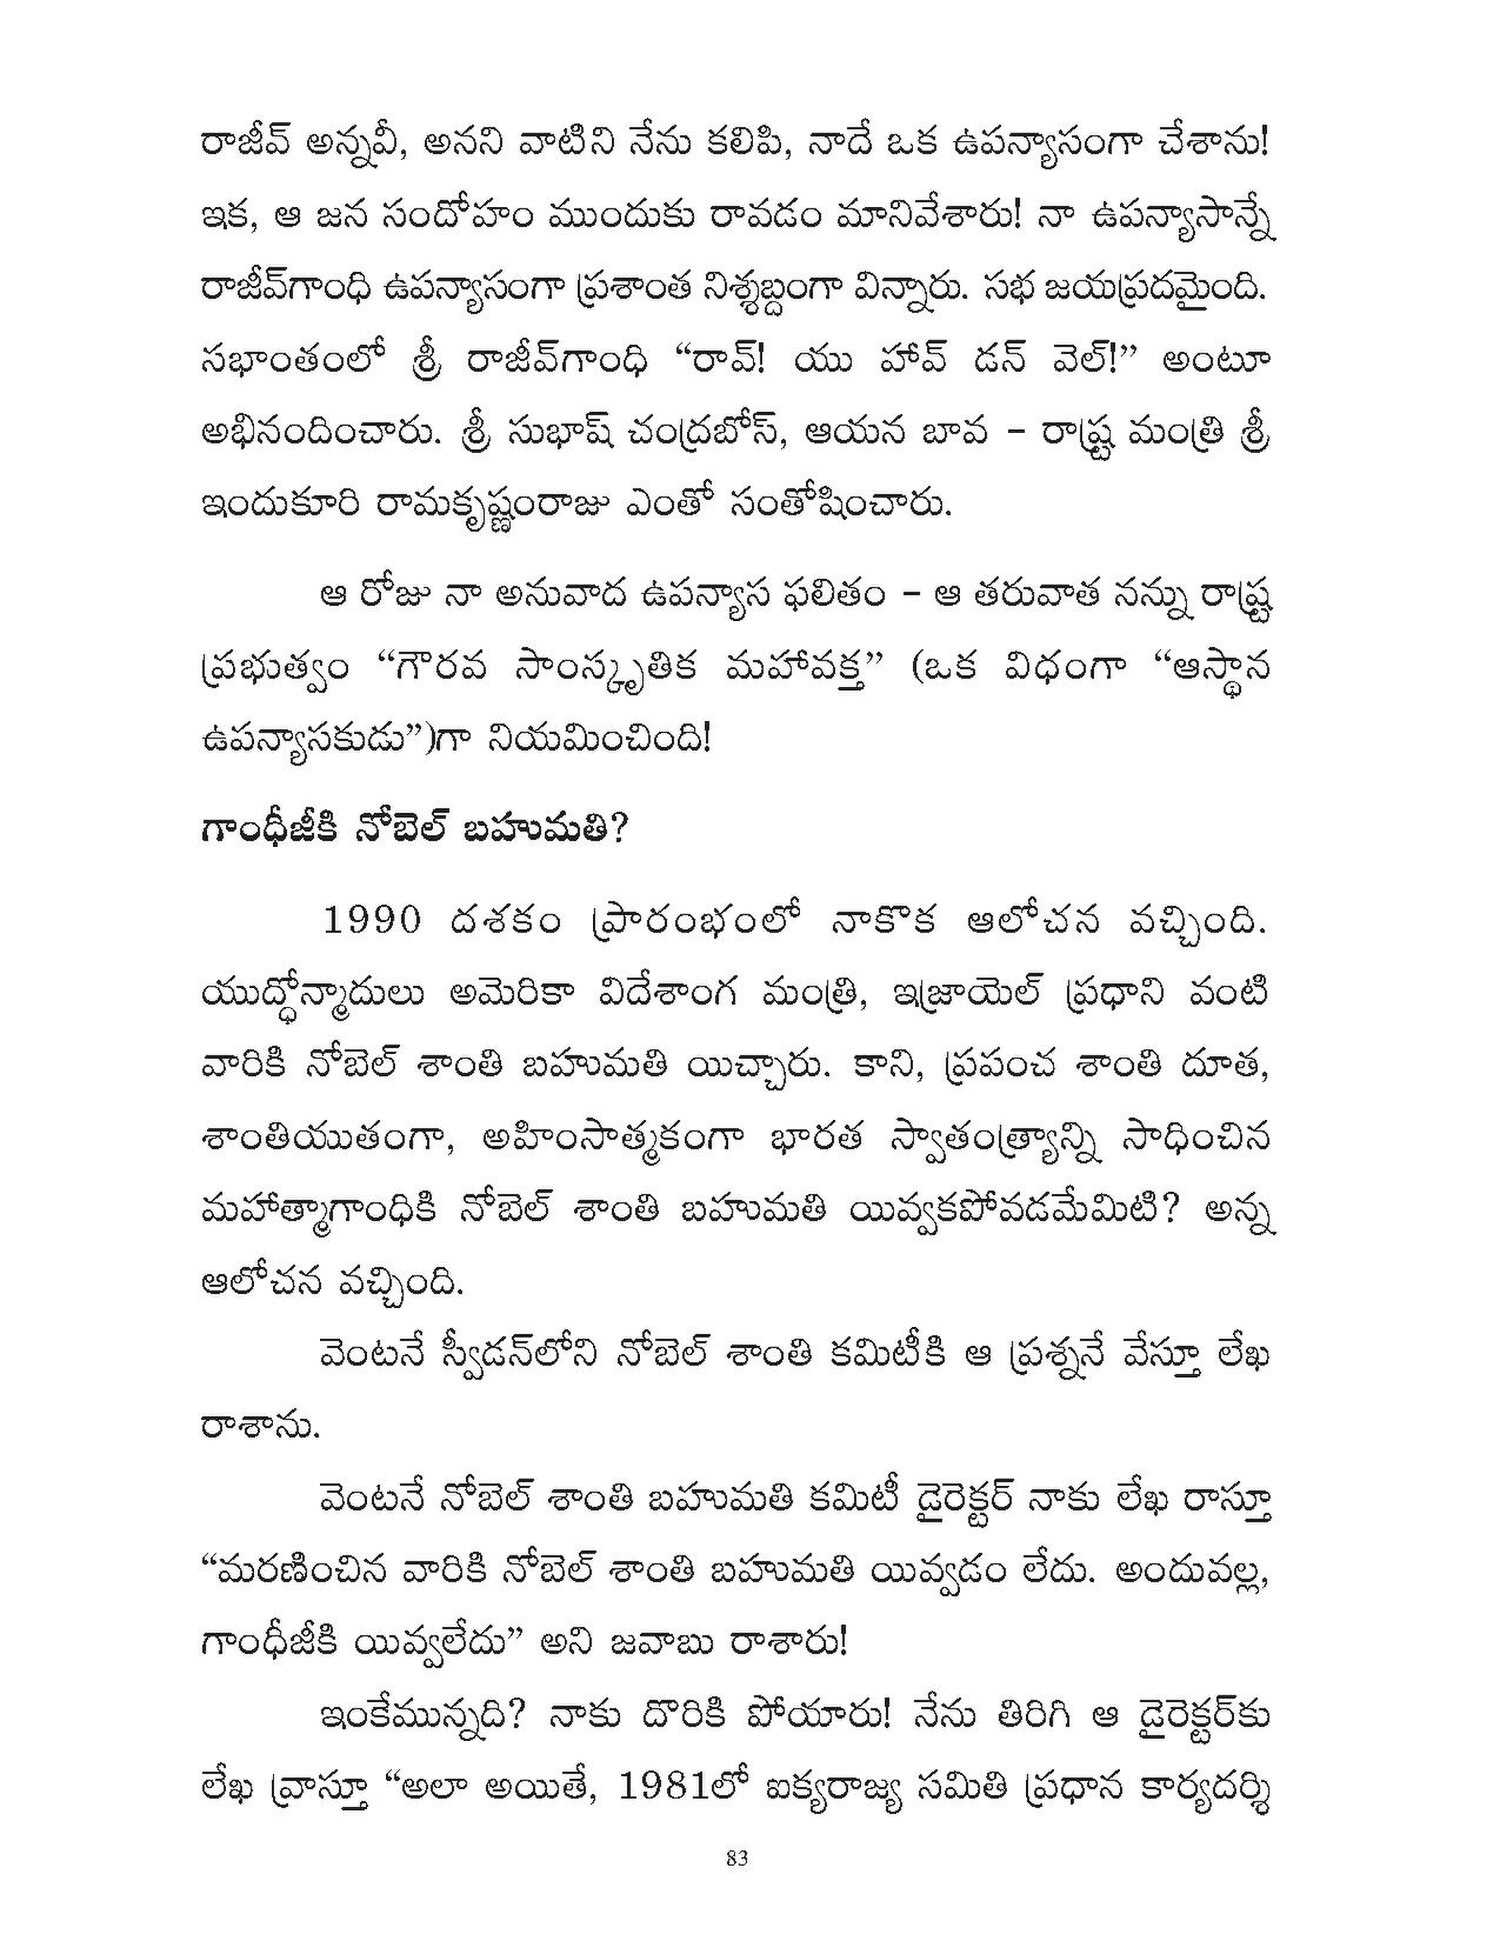రాజీవ్‌ అన్నవీ, అనని వాటిని నేను కలిపి, నాదే ఒక ఉపన్యాసంగా చేశాను!
ఇక, ఆ జన సందోహం ముందుకు రావడం మానివేశారు! నా ఉపన్యాసాన్నే
రాజీవ్‌గాంధి ఉపన్యాసంగా ప్రశాంత నిశ్శబ్దంగా విన్నారు. సభ జయప్రదమైంది.
సభాంతంలో శ్రీ రాజీవ్‌గాంధి "రావ్‌! యు హావ్‌ డన్‌ వెల్‌!" అంటూ
అభినందించారు. శ్రీ సుభాష్‌ చంద్రబోస్‌, ఆయన బావ - రాష్ట్ర మంత్రి శ్రీ
ఇందుకూరి రామకృష్ణంరాజు ఎంతో సంతోషించారు.

ఆ రోజు నా అనువాద ఉపన్యాస ఫలితం - ఆ తరువాత నన్ను రాష్ట్ర
ప్రభుత్వం "గౌరవ సాంస్కృతిక మహావక్త" (ఒక విధంగా "ఆస్థాన
ఉపన్యాసకుడు")గా నియమించింది!

గాంధీజీకి నోబెల్‌ బహుమతి?

1990 దశకం ప్రారంభంలో నాకొక ఆలోచన వచ్చింది.
యుద్ధోన్మాదులు అమెరికా విదేశాంగ మంత్రి, ఇజ్రాయెల్‌ ప్రధాని వంటి
వారికి నోబెల్‌ శాంతి బహుమతి యిచ్చారు. కాని, ప్రపంచ శాంతి దూత,
శాంతియుతంగా, అహింసాత్మకంగా భారత స్వాతంత్య్రాన్ని సాధించిన
మహాత్మాగాంధికి నోబెల్‌ శాంతి బహుమతి యివ్వకపోవడమేమిటి? అన్న
ఆలోచన వచ్చింది.

వెంటనే స్వీడన్‌లోని నోబెల్‌ శాంతి కమిటీకి ఆ ప్రశ్ననే వేస్తూ లేఖ
రాశాను.

వెంటనే నోబెల్‌ శాంతి బహుమతి కమిటీ డైరెక్టర్‌ నాకు లేఖ రాస్తూ
"మరణించిన వారికి నోబెల్‌ శాంతి బహుమతి యివ్వడం లేదు. అందువల్ల,
గాంధీజీకి యివ్వలేదు" అని జవాబు రాశారు!

ఇంకేమున్నది? నాకు దొరికి పోయారు! నేను తిరిగి ఆ డైరెక్టర్‌కు
లేఖ వ్రాస్తూ "అలా అయితే, 1981లో ఐక్యరాజ్య సమితి ప్రధాన కార్యదర్శి